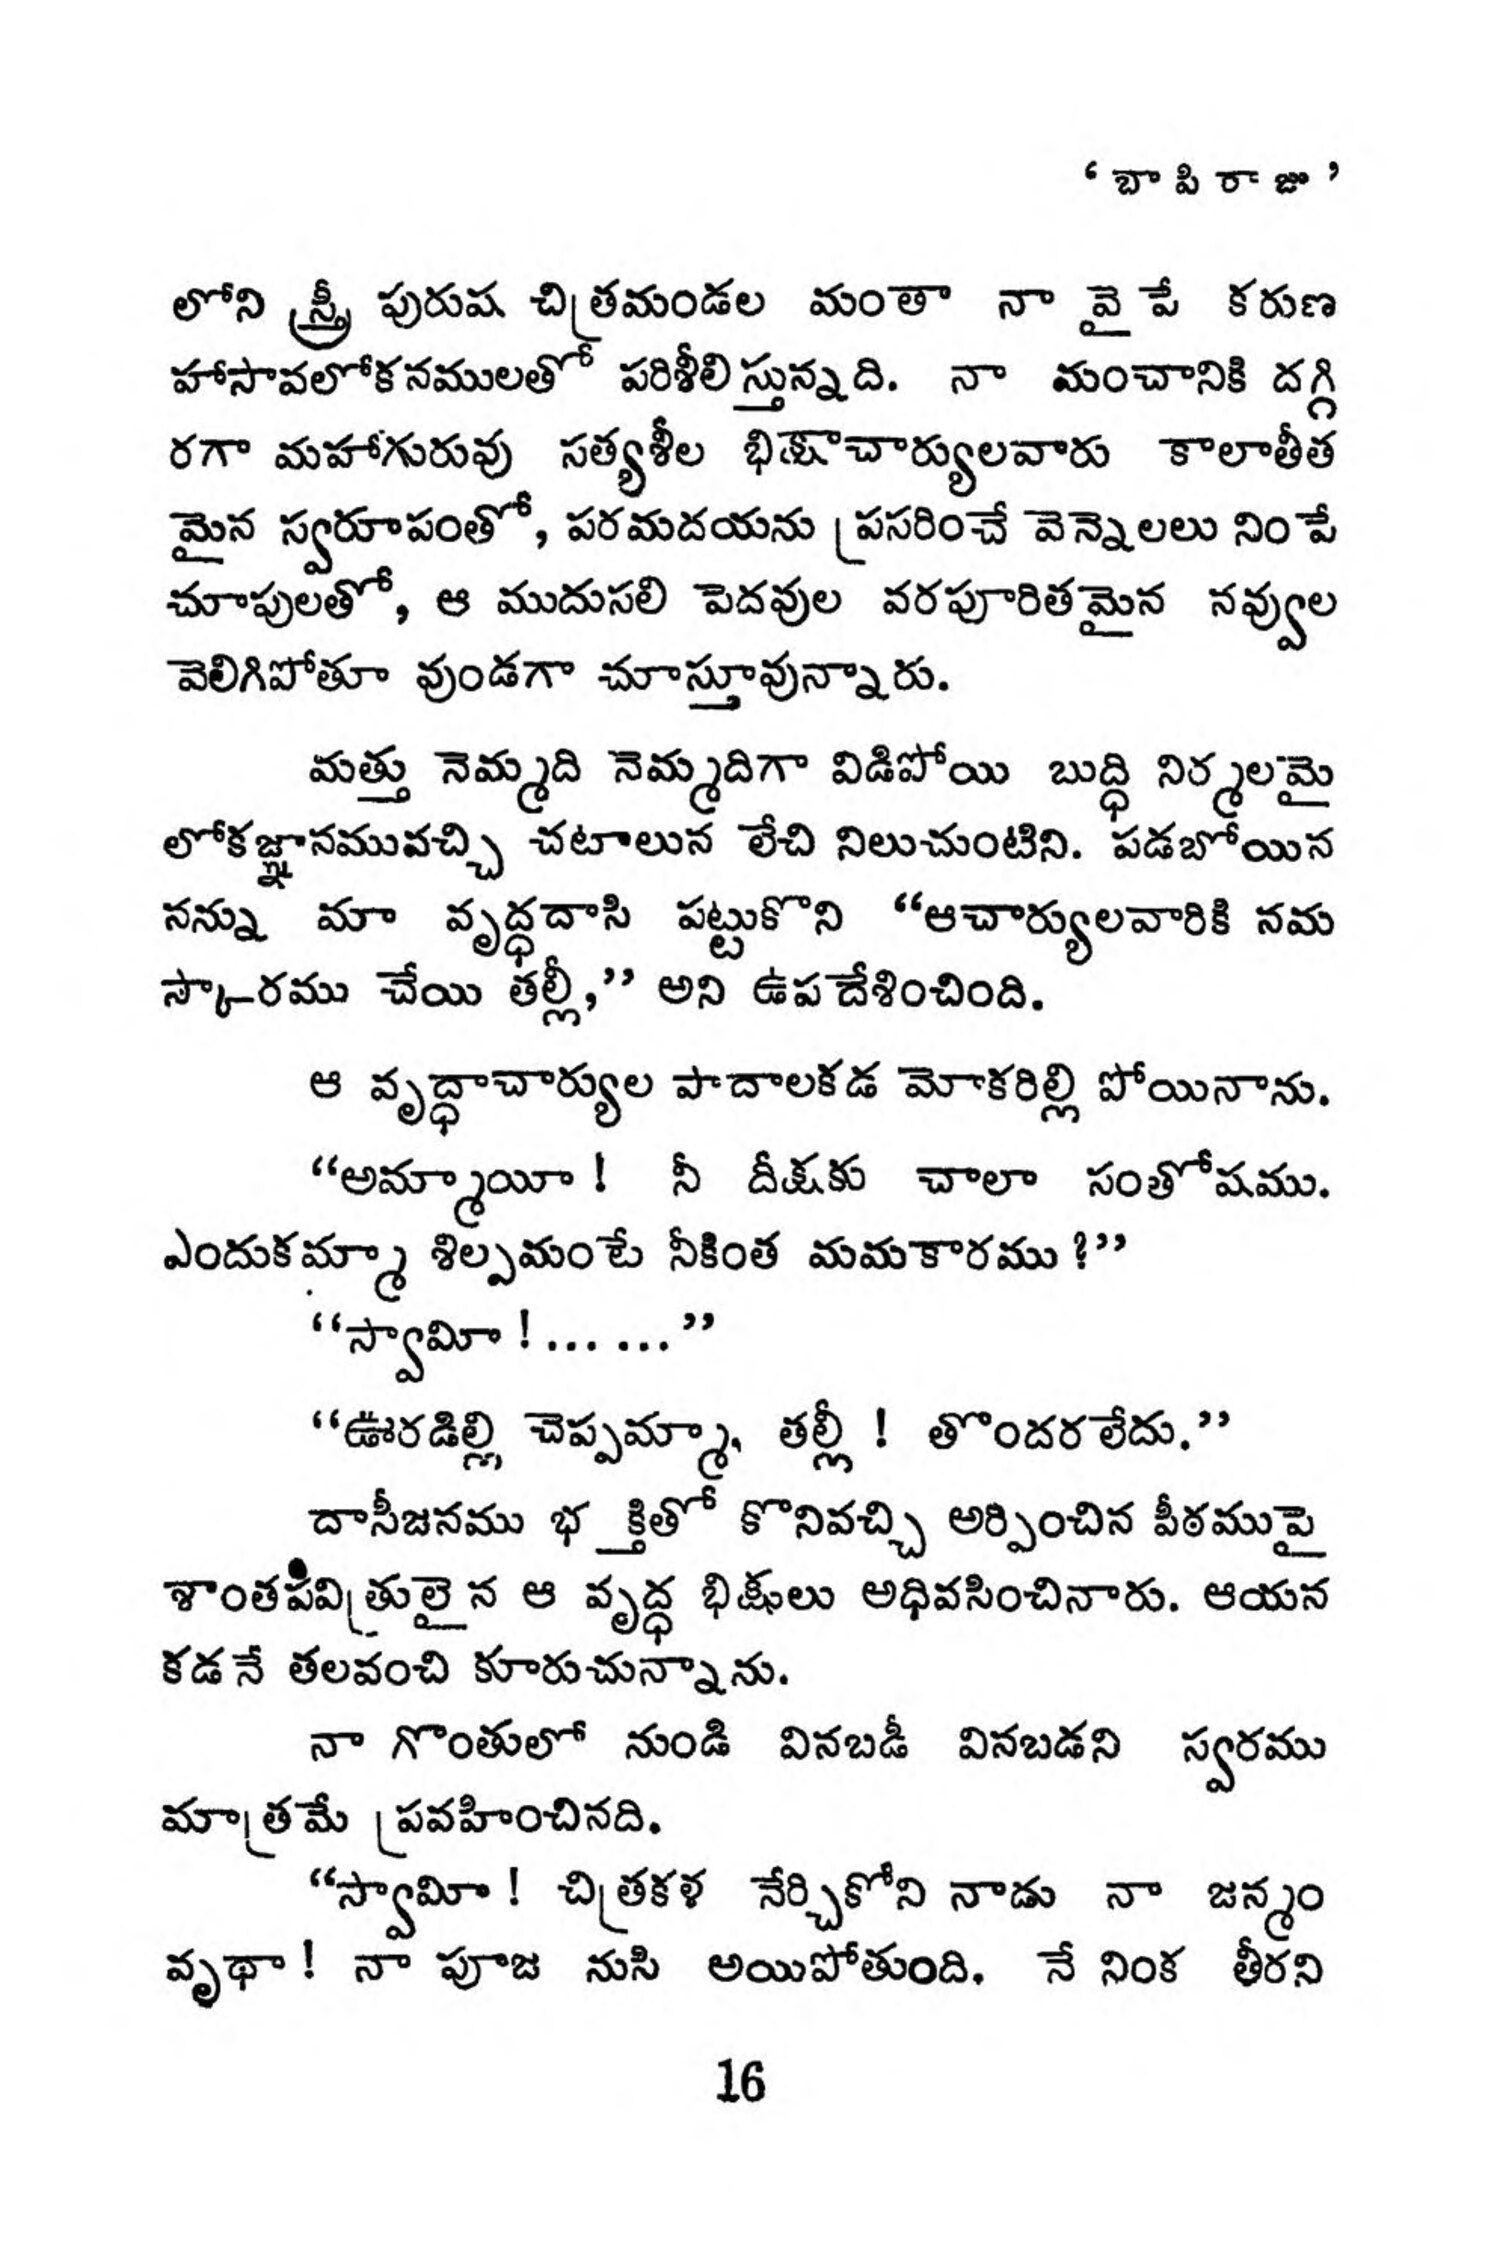లోని స్త్రీ పురుష చిత్రమండల మంతా నా వైపే కరుణ హాసావలోకనములతో పరిశీలిస్తున్నది. నా మంచానికి దగ్గిరగా మహాగురువు సత్యశీల భిక్షాచార్యులవారు కాలాతీతమైన స్వరూపంతో, పరమదయను ప్రసరించే వెన్నెలలు నింపే చూపులతో, ఆ ముదుసలి పెదవుల వరపూరితమైన నవ్వుల వెలిగిపోతూ వుండగా చూస్తూవున్నారు.

మత్తు నెమ్మది నెమ్మదిగా విడిపోయి బుద్ధి నిర్మలమై లోకజ్ఞానమువచ్చి చటాలున లేచి నిలుచుంటిని. పడబోయిన నన్ను మా వృద్ధదాసి పట్టుకొని “ఆచార్యులవారికి నమస్కారము చేయి తల్లీ,” అని ఉపదేశించింది.

ఆ వృద్ధాచార్యుల పాదాలకడ మోకరిల్లి పోయినాను.

“అమ్మాయీ! నీ దీక్షకు చాలా సంతోషము. ఎందుకమ్మా శిల్పమంటే నీకింత మమకారము?”

“స్వామీ! .......”

“ఊరడిల్లి చెప్పమ్మా, తల్లీ! తొందరలేదు.”

దాసీజనము భక్తితో కొనివచ్చి అర్పించిన పీఠముపై శాంతపవిత్రులైన ఆ వృద్ధ భిక్షులు అధివసించినారు. ఆయన కడనే తలవంచి కూరుచున్నాను.

నా గొంతులో నుండి వినబడీ వినబడని స్వరము మాత్రమే ప్రవహించినది.

“స్వామీ! చిత్రకళ నేర్చికోని నాడు నా జన్మం వృథా! నా పూజ నుసి అయిపోతుంది. నే నింక తీరని